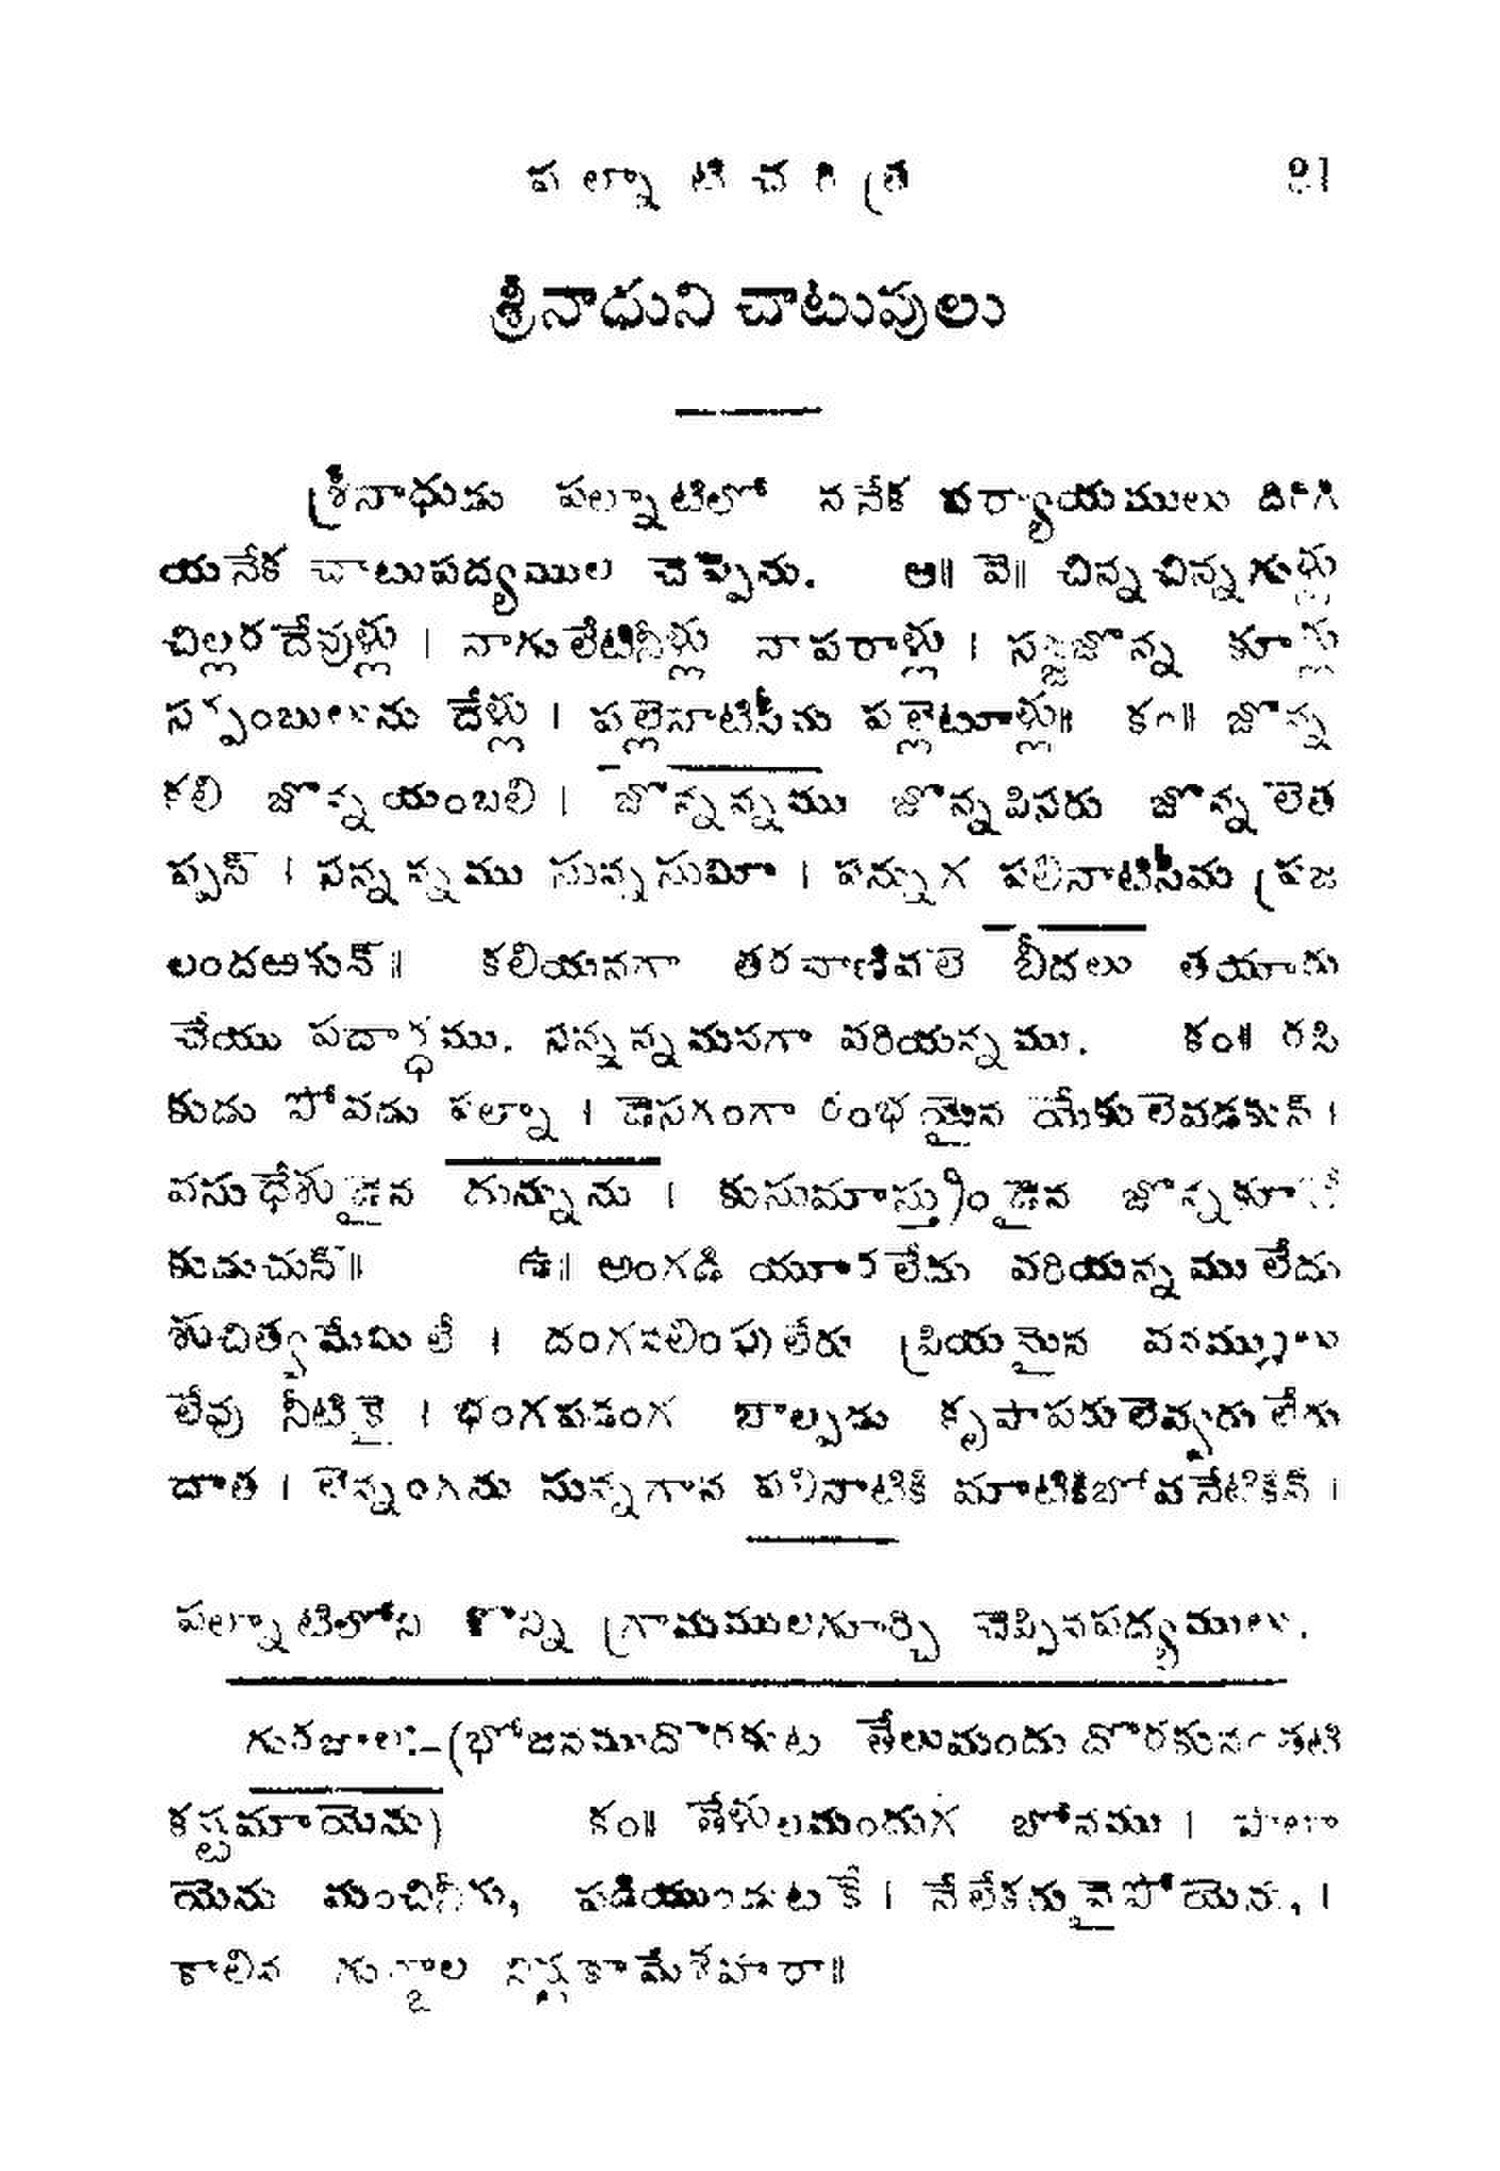శ్రీనాధుడు పల్నాటిలో ననేక పర్యాయములు దిరిగి
యనేక చాటుపద్యములు చెప్పెను. 

ఆ॥ వె॥ చిన్నచిన్న గుళ్లు చిల్లర దేవుళ్లు | 
 నాగులేటినీళ్లు నాపరాళ్లు। 
 సజ్జజొన్న కూళ్లు సర్పంబులును దేళ్లు | 
 పల్లెనాటిసీను పల్లెటూళ్లు 
 
కం. జొన్నకలి జొన్నయంబలి, 
 జొన్నన్నము జొన్న పిసరు జొన్నలె తప్పన్ 
 సన్నన్నము సున్న సుమీ 
 పన్నుగ పలినాటిసీమ ప్రజలందఱకున్

కలియనగా తరవాణివలె బీదలు తయారుచేయు పదార్ధము. 
సన్నన్న మనగా వరియన్నము.

కం. రసికుడు పోవడు పల్నా ! 
 డెసగంగా రంభమైన యేకులెవడకున్ !
 వసుధేశుడైన దున్నును 
 కుసుమాస్త్రుండైన జొన్నకూడే కుడుచున్
 
ఉ॥ అంగడి యూర లేదు వరియన్నము లేదు శుచిత్వమేమిలే ! 
 దంగవలింపు లేరు ప్రియమైన వనమ్ములులేవు నీటికై ! 
 భంగపడంగ బాల్పడు కృపాపరులెవ్వరు లేరు దాత | 
 లెన్నంగను సున్నగాన పలినాటికి మాటికిబోవనేటికన్ |

గురజాల:-(భోజనమూదొరకుట తేలుమందు దొరకునంతటి
కస్టమాయెను)

కం॥ తేళులమందుగ బోనము । 
 పాలాయెను మంచినీరు, పడియుండుటకే 
 నేలేకరువైపోయెను
 కాలిన గుర్జాల నిష్టకామేశహరా!